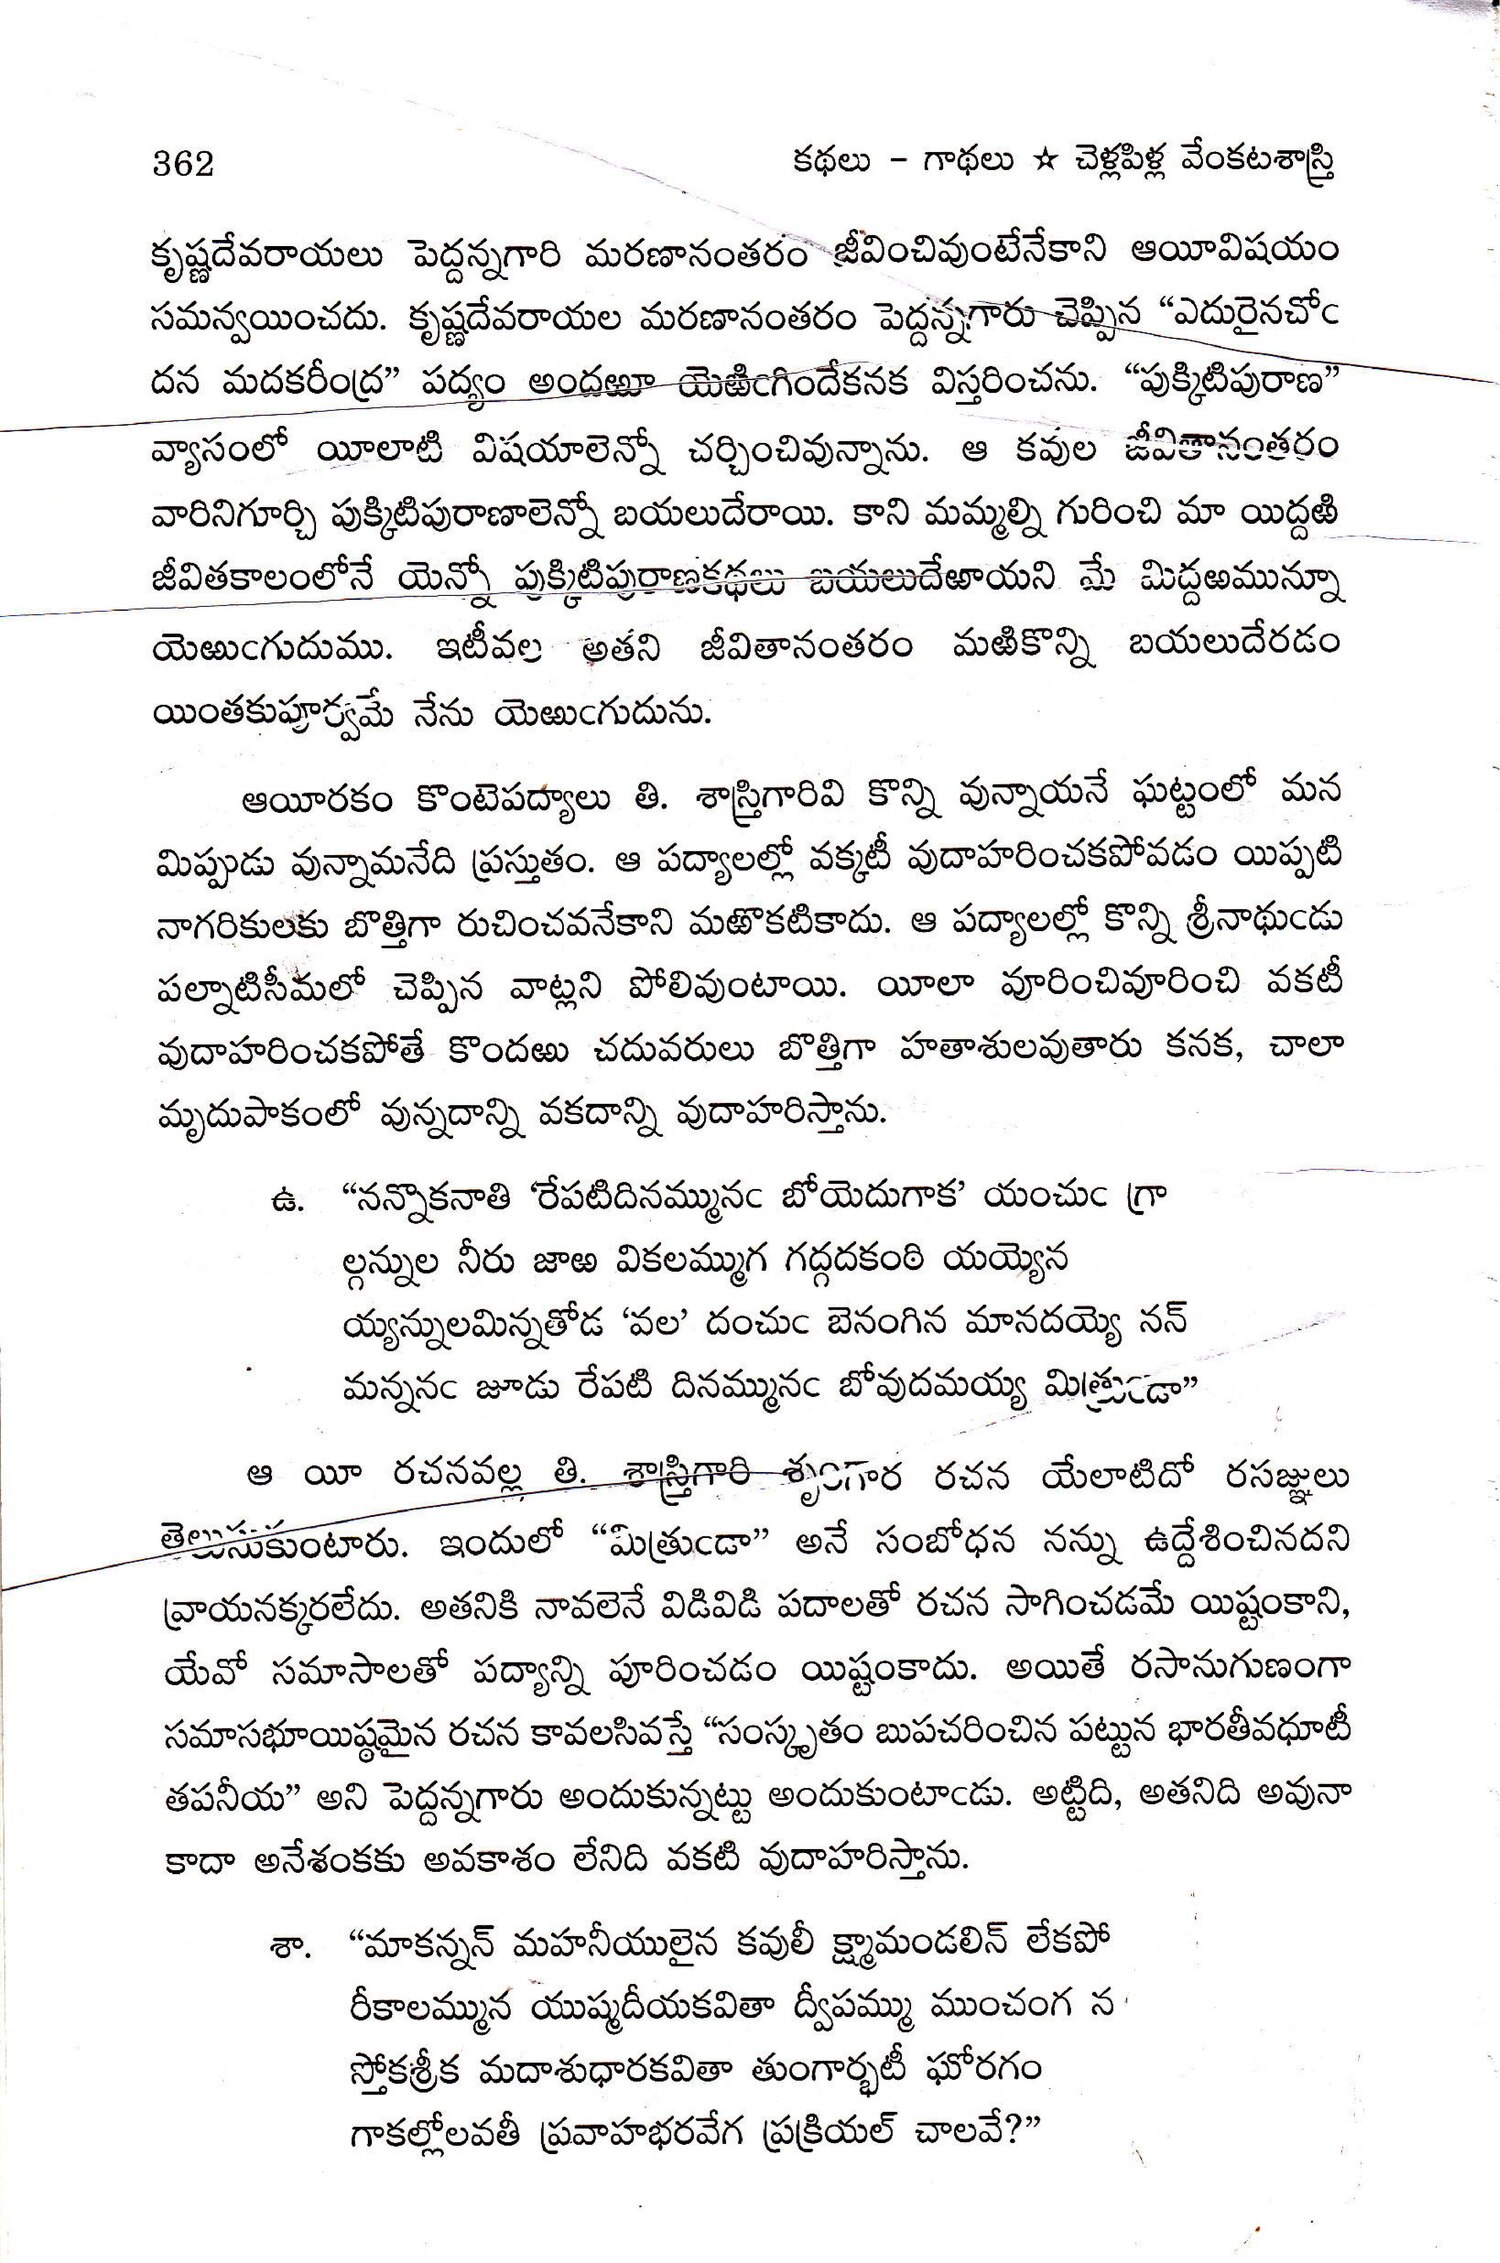కృష్ణదేవరాయలు పెద్దన్నగారి మరణానంతరం జీవించివుంటేనేకాని ఆయీవిషయం - సమన్వయించదు. కృష్ణదేవరాయల మరణానంతరం పెద్దన్నగారు-చెప్పిన "ఎదురైనచోఁ దన మదకరీంద్ర" పద్యం అందఱూ-యెఱిఁగిందేకనక విస్తరించను. "పక్కిటిపురాణ" వ్యాసంలో యీలాటి విషయాలెన్నో చర్చించివున్నాను. ఆ కవుల జీవితానంతరం వారినిగూర్చి పుక్కిటిపురాణాలెన్నో బయలుదేరాయి. కాని మమ్మల్ని గురించి మా యిద్దఱి జీవితకాలంలోనే యెన్నో పుక్కిటిపురాణకథలు బయలుదేఱాయని మే మిద్దఱమున్నూ యెఱుంగుదుము. ఇటీవల అతని జీవితానంతరం మఱికొన్ని బయలుదేరడం యింతకుపూర్వమే నేను యెఱుఁగుదును.

ఆయీరకం కొంటెపద్యాలు తి. శాస్త్రిగారివి కొన్ని వున్నాయనే ఘట్టంలో మన మిప్పుడు వున్నామనేది ప్రస్తుతం. ఆ పద్యాలల్లో వక్కటీ వుదాహరించకపోవడం యిప్పటి నాగరికులకు బొత్తిగా రుచించవనేకాని మఱొకటికాదు. ఆ పద్యాలల్లో కొన్ని శ్రీనాథుఁడు పల్నాటిసీమలో చెప్పిన వాట్లని పోలివుంటాయి. యీలా వూరించివూరించి వకటీ వుదాహరించకపోతే కొందఱు చదువరులు బొత్తిగా హతాశులవుతారు కనక, చాలా మృదుపాకంలో వున్నదాన్ని వకదాన్ని వుదాహరిస్తాను. 

ఉ. “నన్నొకనాతి 'రేపటిదినమ్మునఁ బోయెదుగాక' యంచుఁ గ్రా
 ల్గన్నుల నీరు జాఱ వికలమ్ముగ గద్దదకంఠి యయ్యెన 
 య్యన్నులమిన్నతోడ 'వల' దంచుఁ బెనంగిన మానదయ్యె నన్ 
 మన్ననఁ జూడు రేపటి దినమ్మునఁ బోవుదమయ్య మిత్రుఁడా"”
ఆ యీ రచనవల్ల తి. శాస్త్రిగారి శృంగార రచన యేలాటిదో రసజ్ఞులు తెలుసుకుంటారు. ఇందులో “మిత్రుఁడా" అనే సంబోధన నన్ను ఉద్దేశించినదని వ్రాయనక్కరలేదు. అతనికి నావలెనే విడివిడి పదాలతో రచన సాగించడమే యిష్టంకాని, యేవో సమాసాలతో పద్యాన్ని పూరించడం యిష్టంకాదు. అయితే రసానుగుణంగా సమాసభూయిష్ఠమైన రచన కావలసివస్తే "సంస్కృతం బుపచరించిన పట్టున భారతీవధూటీ తపనీయ" అని పెద్దన్నగారు అందుకున్నట్టు అందుకుంటాఁడు. అట్టిది, అతనిది అవునా కాదా అనేశంకకు అవకాశం లేనిది వకటి వుదాహరిస్తాను.

శా. “మాకన్నన్ మహనీయులైన కవులీ క్ష్మామండలిన్ లేకపో 
 రీకాలమ్మున యుష్మదీయకవితా ద్వీపమ్ము ముంచంగ న 
 స్తోకశ్రీక మదాశుధారకవితా తుంగార్భటీ ఘోరగం 
 గాకల్లోలవతీ ప్రవాహభరవేగ ప్రక్రియల్ చాలవే?"